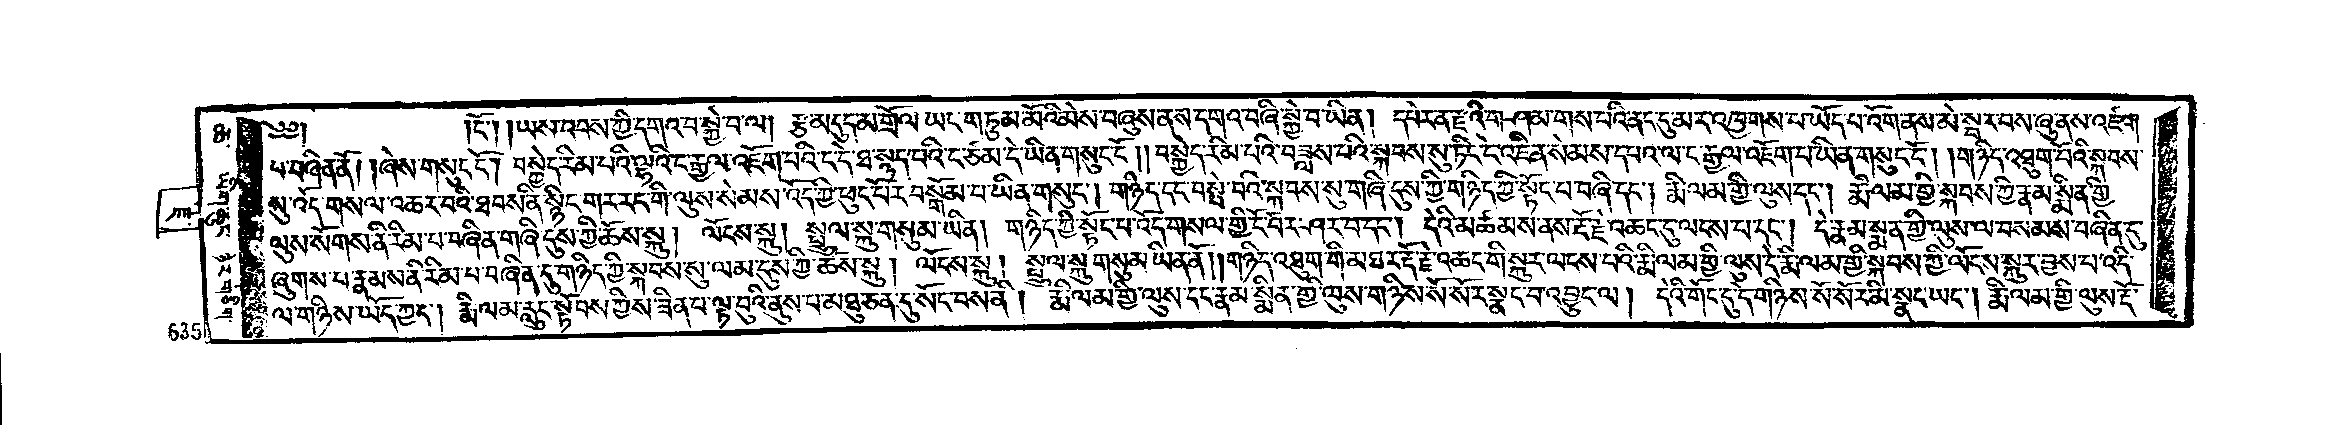༄༅། །ངོ། །ཡས་བབས་ཀྱི་དགའ་བ་སྐྱེ་བ་ལ། རྩ་མདུད་མ་གྲོལ་ཡང་གཏུམ་མོའི་མེས་བཞུས་ནས་དགའ་བཞི་སྐྱེ་བ་ཡིན། དཔེར་ན་རྫའི་གཤམ་གས་པའི་ནང་དུ་མར་འཁྱགས་པ་ཡོད་པ་འོག་ནས་མེ་སྦར་བས་ཞུ་ནས་འཛག་
པ་བཞིན་ནོ། །ཞེས་གསུངས་ངོ། བསྐྱེད་རིམ་པའི་ལྷའི་ང་རྒྱལ་འཇོག་པའི་ང་དེ་ཐ་སྙད་པའི་ང་ཙམ་དེ་ཡིན་གསུང་ངོ། །བསྐྱེད་རིམ་པའི་བཟླས་པའི་སྐབས་སུ་ཏིང་ངེ་འཛིན་སེམས་དཔའ་ལ་ང་རྒྱལ་འཇོག་པ་ཡིན་གསུང་ངོ། །གཉིད་འཐུག་པོའི་སྐྱབས་
སུ་འདི་གསལ་འཆར་བའི་ཐབས་ནི་སྙིང་གར་རང་གི་ལུས་སེམས་འོད་ཀྱི་ཕུང་པོར་བསྒོམ་པ་ཡིན་གསུང་། གཉིད་དང་བསྲེ་བའི་སྐབས་སུ་གཞི་དུས་ཀྱི་གཉིད་ཀྱི་སྟོང་པ་བཞི་དང་། རྨི་ལམ་གྱི་ལུས་དང་། རྨི་ལམ་གྱི་སྐབས་ཀྱི་རྣམ་སྨིན་གྱི་
ལུས་སོགས་ནི་རིམ་པ་བཞིན་གཞི་དུས་ཀྱི་ཆོས་སྐུ། ལོངས་སྐུ། སྤྲུལ་སྐུ་གསུམ་ཡིན། གཉིད་ཀྱི་སྟོང་པ་འོད་གསལ་གྱི་ངོ་བོར་ཤར་བ་དང་། དེའི་མཚམས་ནས་རྡོ་རྗེ་འཆང་དུ་ལངས་པ་དང་། དེ་རྣམ་སྨིན་གྱི་ལུས་ལ་བསམས་བཞིན་དུ་
ཞུགས་པ་རྣམས་ནི་རིམ་པ་བཞིན་དུ་གཉིད་ཀྱི་སྐབས་སུ་ལམ་དུས་ཀྱི་ཆོས་སྐུ། ལོངས་སྐུ། སྤྲུལ་སྐུ་གསུམ་ཡིན་ནོ། །གཉིད་འཐུག་གི་མཐར་རྡོ་རྗེ་འཆང་གི་སྐུར་ལངས་པའི་རྨི་ལམ་གྱི་ལུས་དེ་རྨི་ལམ་གྱི་སྐབས་ཀྱི་ལོངས་སྐུར་བྱས་པ་འདི་
ལ་གཉིས་ཡོད་ཀྱང་། རྨི་ལམ་རླུང་སྟོབས་ཀྱིས་ཟིན་པ་ལྟ་བུའི་ནུས་པ་མཐུ་ཅན་དུ་སོང་བས་ནི། རྨི་ལམ་གྱི་ལུས་དང་རྣམ་སྨིན་གྱི་ལུས་གཉིས་སོ་སོར་སྣང་བ་འབྱུང་ལ། དེའི་གོང་དུ་དེ་གཉིས་སོ་སོར་མི་སྣང་ཡང་། རྨི་ལམ་གྱི་ལུས་རྡོ་